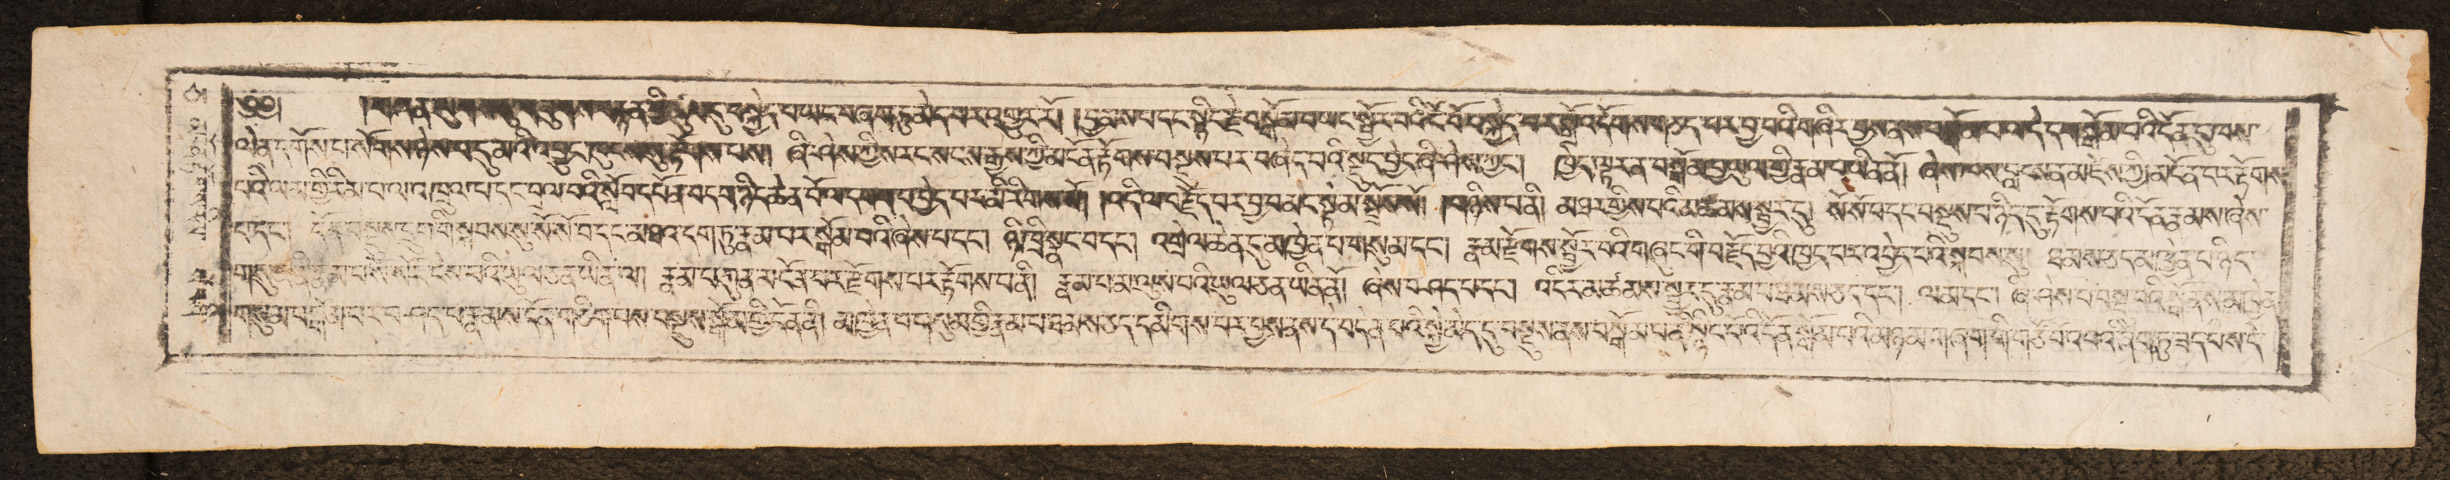༄༅། །གཞན་ལུགས་སུ་གཟུགས་བརྙན་གྱི་ཚུལ་དུ་བསྐྱེད་པ་ཡང་བཞག་ཏུ་མེད་པར་འགྱུར་རོ། །བྱམས་པ་དང་སྙིང་རྗེ་བསྒོམ་པ་ཡང་སྦྱོར་བའི་ངོ་བོ་བསྐྱེད་པར་སྒྲོ་འདོགས་གཅད་པར་བྱ་བའི་གཞིར་བྱས་ནས་བསྒོམ་པ་ལ་དེ་དག་སྒོམ་པའི་དོན་དུ་ཁས་
ལེན་དགོས་པ་སོགས་ཉེས་པ་དུ་མའི་འབྱུང་ཁུངས་སུ་རྟོགས་པས། ཞི་ཤེས་ཀྱིས་རང་སངས་རྒྱས་ཀྱི་མངོན་རྟོགས་བསྡུས་པར་བཞེད་པའི་སྡུད་བྱེད་ཞི་ཤེས་ཀྱང་། ཁྱེད་ལྟར་ན་བསྒོམ་བྱ་ཡུལ་གྱི་རྣམ་པ་ཡིན་ནོ། ཞེས་ཁས་བླངས་ན་མཛེས་ཀྱི། མངོན་པར་རྟོགས་
པའི་ལམ་གྱི་རིམ་པ་ལ་འཁྲུལ་པ་དང་བྲལ་བའི་སློབ་དཔོན་བདག་ཉིད་ཆེན་པོ་ལ་དགག་པ་བྱེད་པར་མི་རིགས་སོ། །འདི་ལ་བརྗོད་པར་བྱ་བ་མང་སྟེ་མ་སྤྲོས་སོ། །གཉིས་པ་ནི། མཐར་གྱིས་པའི་མཚམས་སྦྱར་དུ། སོ་སོ་བ་དང་བསྡུས་པ་ཉིད་དུ་རྟོགས་པའི་དོན་རྣམས་ཞེས་
པ་དང་། དོན་བསྡུས་དྲུག་གི་སྐབས་སུ་སོ་སོ་བ་དང་མཐའ་དག་ཏུ་རྣམ་པར་སྒོམ་པའི་ཞེས་པ་དང་། ཉི་ཁྲི་སྣང་བ་དང་། འགྲེལ་ཆེན་དུ་མཁྱེན་པ་གསུམ་དང་། རྣམ་རྫོགས་སྦྱོར་བའི་གཞུང་གི་བརྗོད་བྱའི་ཁྱད་པར་འབྱེད་པའི་སྐབས་སུ། ཐམས་ཅད་མཁྱེན་པ་ཉིད་
གསུམ་ནི་རྣམ་པ་སོ་སོར་ངེས་པའི་ཡུལ་ཅན་ཡིན་ལ། རྣམ་པ་ཀུན་མངོན་པར་རྫོགས་པར་རྟོགས་པ་ནི། རྣམ་པ་མ་ལུས་པའི་ཡུལ་ཅན་ཡིན་ནོ། ཞེས་བཤད་པ་དང་། འདིར་མཚམས་སྦྱར་དུ་རྣམ་པ་ཐམས་ཅད་དང་། ལམ་དང་། ཞི་ཤེས་པ་བསྡུ་བའི་སྒོ་ནས་མཁྱེན་
གསུམ་བསྒོམ་པར་བཤད་པ་རྣམས་དོན་གཅིག་པས་བསྡུས་སྒོམ་གྱི་དོན་ནི། མཁྱེན་པ་གསུམ་གྱི་རྣམ་པ་ཐམས་ཅད་དམིགས་པར་བྱས་ནས་དེ་བདེན་པའི་སྐྱེ་མེད་དུ་བསྡུས་ནས་བསྒོམ་པ་ནི་སྙིང་པོའི་དོན་སྒོམ་པའི་མཉམ་གཞག་གི་གཙོ་བོ་འབའ་ཞིག་ཏུ་ཟད་པས་དེ་